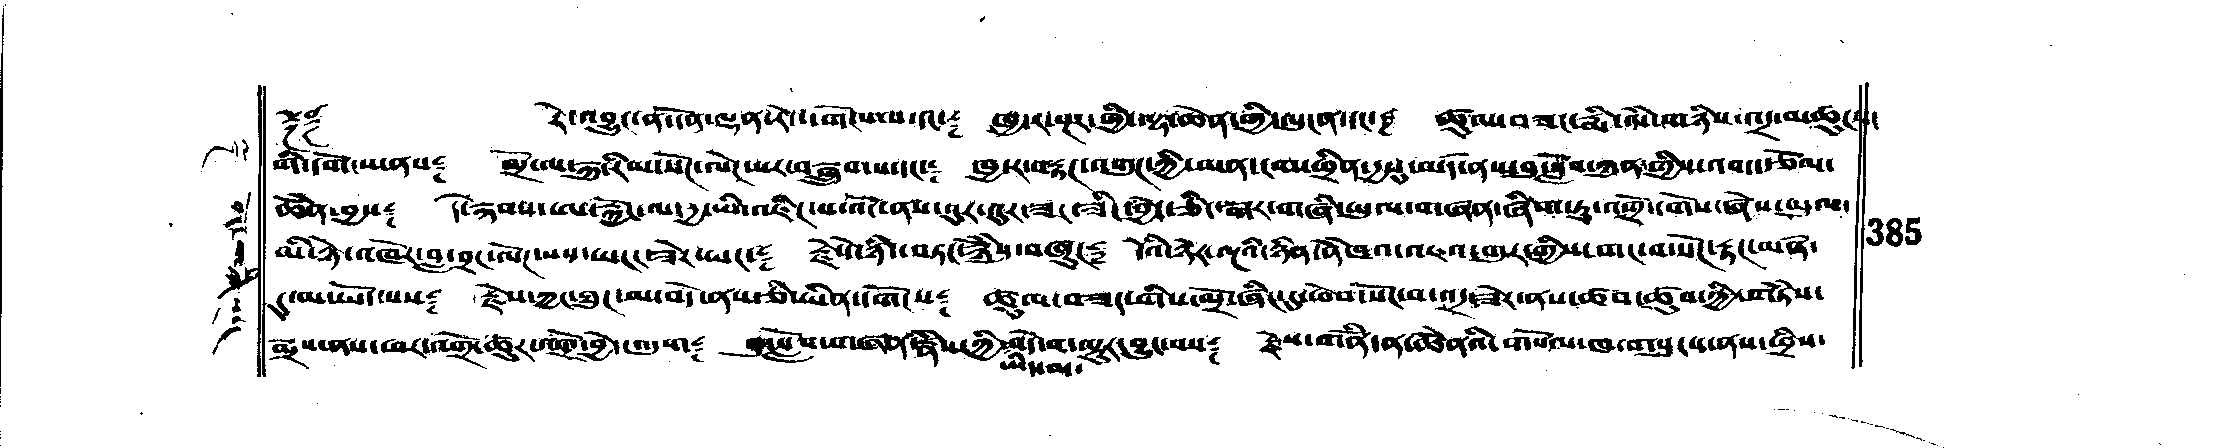རེ་འབྱུང་ན་དོན་ལྡན་རེད་དགོངས་པ་དང་། ཁྱད་པར་སྔར་གྱི་ལྷ་ཆེན་གྱི་ལུང་བསྟན་དང་། ཚུལ་བཟང་རྨི་ལམ་གཉིས་འདྲ་མཚུངས་
གི་དགོངས་ནས། མཁའ་འགྲོ་ལ་སྐུ་རིམ་སོགས་ལེགས་པར་བསྒྲུབ་པ་དང་། ཁྱད་པར་བརྟགས་འགུགས་ཀྱི་མན་ངག་ཕྲིན་རྒྱས་སུ་མཛད་ནས་བུ་སློབ་ཀུན་གྱིས་འབད་རྩོལ་
ཆེན་པོ་བྱས། དེ་སྐབས་ཨ་སྐྱོང་ལ་རྒྱ་ཡི་འཇིགས་པ་འོང་ནས་འུར་འུར་ཟང་ཟིང་བྱེད་ཅིང་སྒར་གཞི་ཡུལ་གཞན་ཞིག་ཏུ་འགྲོ་དགོས་ཞེས་ཡུལ་
མི་ཉེ་འཁོར་བླ་བྲང་ལ་སོགས་པས་ཡང་ཡང་ཟེར་ཡང་། རྗེ་དེ་ཉིད་བཏང་སྙོམས་སུ་བཞུགས། དེའི་ཉེར་ལྔའི་ཉིན་ནམ་མཁའ་འཇའ་གུར་གྱིས་གང་བ་སོགས་རྟགས་མཚན་
དུ་མ་ཡོད་པས། རྗེས་ཀྱང་ཐུགས་མ་བདེ་ནས་ཅི་ཡིན་དགོངས། ཚུལ་བཟང་གིས་མཁའ་འགྲོ་ཞིང་དུ་ཕེབས་སོང་བ་འདྲ་ཟེར་ནས་ཚབ་ཚུབ་ཀྱི་གཏམ་
སྨྲས་ནས་ཕར་འགྲོ་ཚུར་འགྲོ་བྱེད་འདུགབུ་སློབ་གཞན་རྣམས་ཀྱི་ཡིད་མ་བདེ་བ་ལྟ་བུར་བྱུང་བས། རྗེས་གནོད་སྦྱྀན་ཆེན་པོའི་གསོལ་ཁ་གསུངས་ནས་ཕྲིན་ལས་